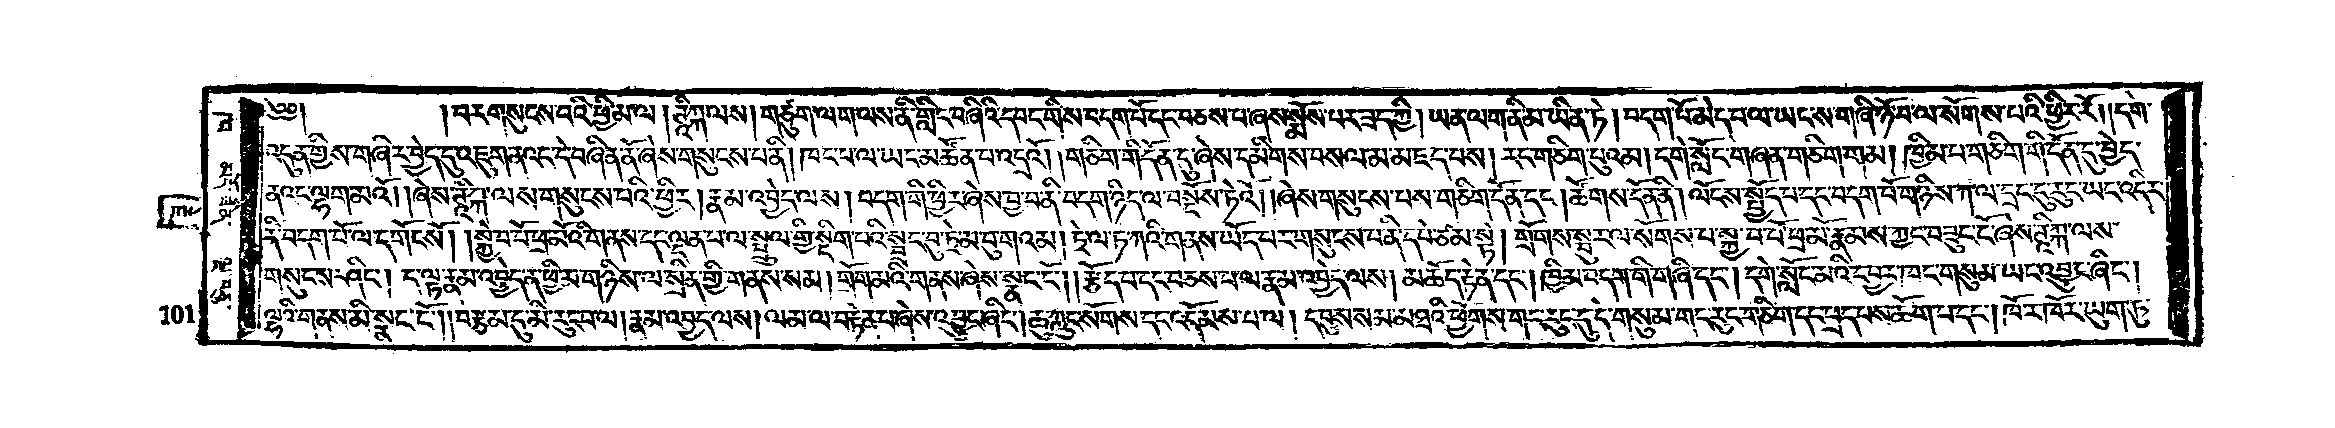༄༅། །པར་གསུངས་པའི་ཕྱི་མ་ལ། ཊཱིཀྐ་ལས། གཙུག་ལག་ལས་ནི་གླིང་བཞིའི་དབང་གིས་བདག་པོ་དང་བཅས་པ་ཞེས་སྨོས་པར་ཟད་ཀྱི། ཡན་ལག་ནི་མ་ཡིན་ཏེ། བདག་པོ་མེད་པ་ལ་ཡང་ས་གཞི་ཉོ་བ་ལ་སོགས་པའི་ཕྱིར་རོ། །དགེ་
འདུན་གྱིས་གཞིར་བྱེད་དུ་འཇུག་ནའང་དེ་བཞིན་ནོ་ཞེས་གསུངས་པ་ནི། ཁང་པ་ལ་ཡང་མཚོན་པ་འདྲའོ། །གཅིག་གི་དོན་དུ་ཞེས་དམིགས་བསལ་མ་མཛད་པས། རང་གཅིག་པུའམ། དགེ་སློང་གཞན་གཅིག་གམ། ཁྱིམ་པ་གཅིག་གི་དོན་དུ་བྱེད་
ནའང་ལྷག་མའོ། །ཞེས་ཊཱིཀྐ་ལས་གསུངས་པའི་ཕྱིར། རྣམ་འབྱེད་ལས། བདག་གི་ཕྱིར་ཞེས་བྱ་བ་ནི་བདག་ཉིད་ལ་བསྔོས་ཏེའོ། །ཞེས་གསུངས་པས་གཅིག་དོན་དང་། ཚོགས་དོན་ནི། ལོངས་སྤྱོད་པ་དང་བདག་པོ་གཉིས་ཀ་ལ་དྲང་དུ་རུང་ཡང་འདིར་
ནི་བདག་པོ་ལ་དགོངས་སོ། །སྐྱེ་བ་པོ་ཕྲ་མོའི་གནས་དང་ལྡན་པ་ལ་སྤྲུལ་གྱི་སྡིག་པའི་སྦྲང་བུ་ཏྲེ་མ་བུ་གའམ། དྲེ་ལ་ཏ་ཀའི་གནས་ཡོད་པར་གསུངས་པ་ནི་དཔེ་ཙམ་སྟེ། གྲོགས་སྦུར་ལ་སོགས་པ་སྐྱ་བ་པོ་ཕྲ་མོ་རྣམས་ཀྱང་བཟུང་ངོ་ཞེས་ཊཱིཀྐ་ལས་
གསུངས་ཤིང་། ད་ལྟ་རྣམ་འབྱེད་ན་ཕྱི་མ་གཉིས་ལ་སྲིན་གྱི་གནས་སམ། གྲོག་མའི་གནས་ཞེས་སྣང་ངེ། །རྩོད་པ་དང་བཅས་པ་ལ་རྣམ་འབྱེད་ལས། མཆོད་རྟེན་དང་། ཁྱིམ་བདག་གི་གཞི་དང་། དགེ་སློང་མའི་དབྱར་ཁང་གསུམ་ཡང་འབྱུང་ཞིང་།
ལྷའི་གནས་མི་སྣང་ངོ། །བརྩམ་དུ་མི་རུང་བ་ལ། རྣམ་འབྱེད་ལས། ལམ་ལ་བརྟེན་པ་ཞེས་འབྱུང་ཞིང་། ཆུ་ཀླུང་སོགས་དང་འདོམས་པ་ལ། དབུས་སམ་མཐའི་ཕྱོགས་གང་རུང་དུ་དེ་གསུམ་གང་རུང་གཅིག་དང་ཕྲད་པས་ཆོག་པ་དང་། ཁོར་ཁོར་ཡུག་ཏུ་